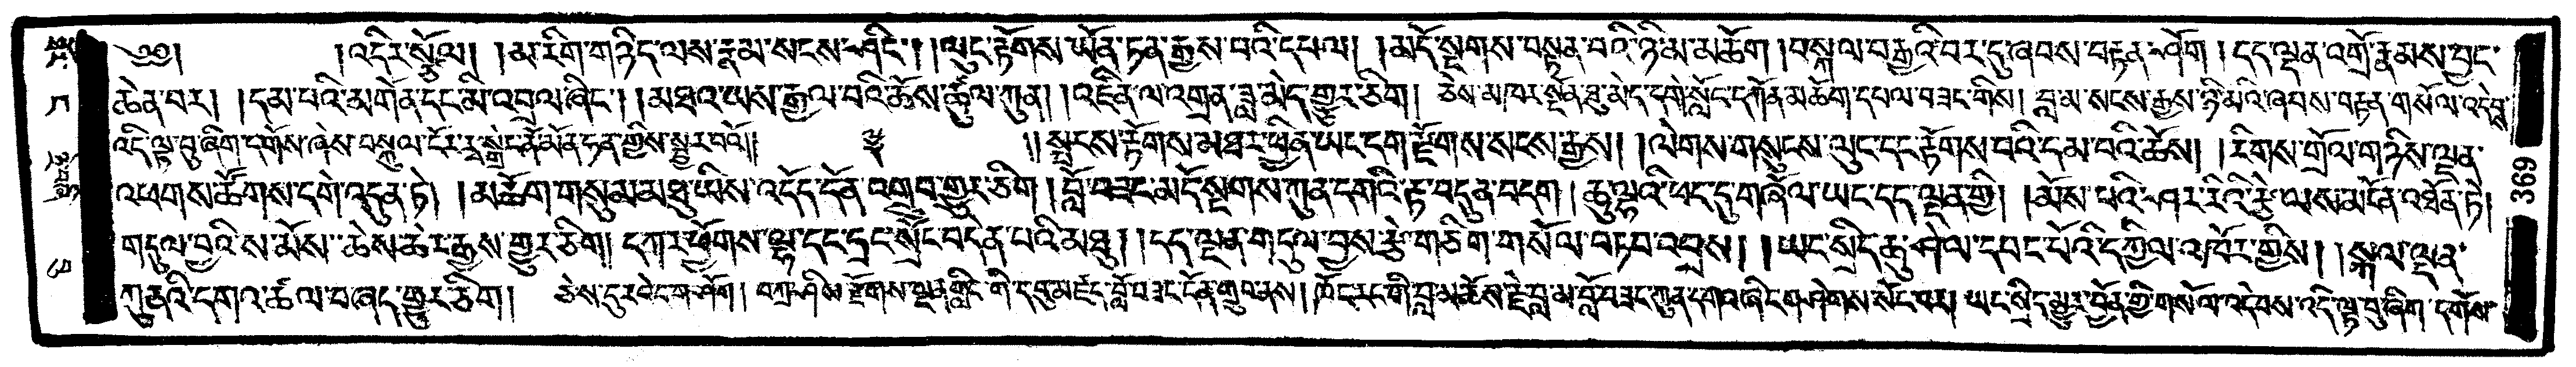༄༅། །འདིར་སྩོལ། །མ་རིག་གཉིད་ལས་རྣམ་སངས་ཤིང་། །ལུང་རྟོགས་ཡོན་ཏན་རྒྱས་པའི་དཔལ། །མདོ་སྔགས་བསྟན་པའི་ཉི་མ་མཆོག །བསྐལ་བརྒྱའི་བར་དུ་ཞབས་བརྟན་ཤོག །དད་ལྡན་འགྲོ་རྣམས་བྱང་
ཆེན་བར། །དམ་པའི་མགོན་དང་མི་འབྲལ་ཞིང་། །མཐའ་ཡས་རྒྱལ་བའི་ཆོས་ཚུལ་ཀུན། །འཛིན་ལ་འགྲན་ཟླ་མེད་གྱུར་ཅིག །ཅེས་མཁར་སྔོན་ཐུ་མེད་དགེ་སློང་དཀོན་མཆོག་དཔལ་བཟང་གིས། བླ་མ་སངས་རྒྱས་ཉི་མའི་ཞབས་བརྟན་གསོལ་འདེབས་
འདི་ལྟ་བུ་ཞིག་དགོས་ཞེས་བསྐུལ་ངོར་རྭ་སྒྲེང་ནོ་མོན་ཧན་གྱིས་སྦྱར་བའོ།། ༈ །།སྤངས་རྟོགས་མཐར་ཕྱིན་ཡང་དག་རྫོགས་སངས་རྒྱས། །ལེགས་གསུངས་ལུང་དང་རྟོགས་པའི་དམ་པའི་ཆོས། །རིགས་གྲོལ་གཉིས་ལྡན་
འཕགས་ཚོགས་དགེ་འདུན་ཏེ། །མཆོག་གསུམ་མཐུ་ཡིས་འདོད་དོན་འགྲུབ་གྱུར་ཅིག །བློ་བཟང་མདོ་སྔགས་ཀུན་དགའི་རྟ་བདུན་བདག །ཆུ་ལྷའི་ཕང་དུ་གཞོལ་ཡང་དད་ལྡན་གྱི། །མོས་པའི་ཤར་རིའི་རྩེ་ལས་མངོན་འཐོན་ཏེ།
གདུལ་བྱའི་ས་མོས་ཆེས་ཆེར་རྒྱས་གྱུར་ཅིག །དཀར་ཕྱོགས་ལྷ་དང་དྲང་སྲོང་བདེན་པའི་མཐུ། །དད་ལྡན་གདུལ་བྱས་རྩེ་གཅིག་གསོལ་བཏབ་འབྲས། །ཡང་སྲིད་ཆུ་ཤེལ་དབང་པོའི་དཀྱིལ་འཁོར་གྱིས། །སྐལ་ལྡན་
ཀུནའི་དགའ་ཚལ་བཞད་གྱུར་ཅིག །ཅེས་དུར་བེད་གཤོག །བཀྲ་ཤིས་རྫོགས་ལྡན་གླིང་གི་དབུ་མཛད་བློ་བཟང་དོན་གྲུབ་ནས། ཁོང་རང་གི་བླ་མ་ཆོས་རྗེ་བླ་མ་བློ་བཟང་ཀུན་དགའ་ཞིང་གཤེགས་སོང་བར། ཡང་སྲིད་མྱུར་བྱོན་གྱི་གསོལ་འདེབས་འདི་ལྟ་བུ་ཞིག་དགོས་